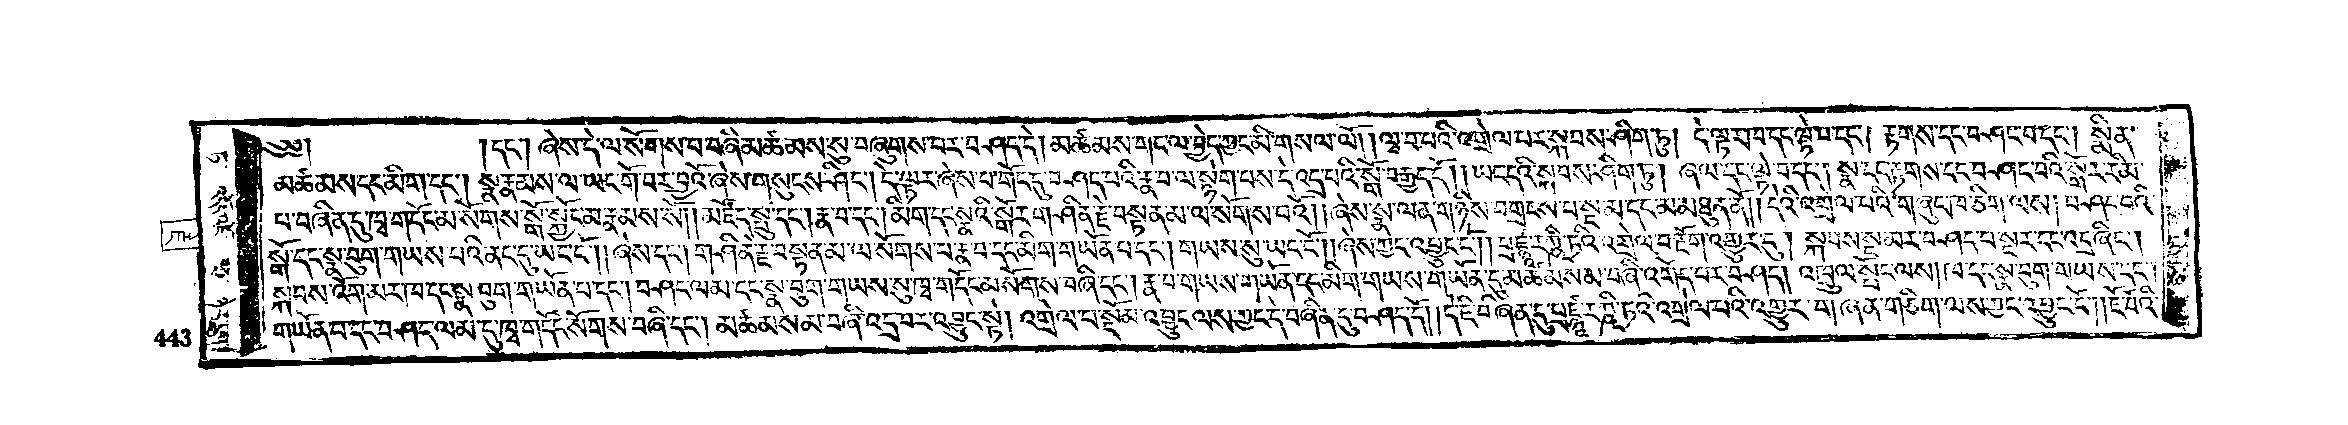༄༅། །དང་། ཞེས་དེ་ལ་སོགས་པ་བཞི་མཚམས་སུ་བཞུགས་པར་བཤད་དེ། མཚམས་གང་ལ་བྱེད་ཀྱང་མི་གསལ་ལོ། །ལྭ་བ་པའི་འགྲེལ་པར་སྐབས་ཤིག་ཏུ། དེ་ལྟར་ཁ་དང་ལྟེ་བ་དང་། རྟགས་དང་བཤང་བ་དང་། སྨིན་
མཚམས་དང་མིག་དང་། སྣ་རྣམས་ལ་ཡང་གོ་བར་བྱའོ་ཞེས་གསུངས་ཤིང་། དེ་ལྟར་ཞེས་པ་གོང་དུ་བཤད་པའི་རྣ་བ་ལ་སྙེག་པས་དེ་འདྲ་བའི་སྒོ་བརྒྱད་དོ། །ཡང་དེའི་སྐབས་ཤིག་ཏུ། ཞལ་དང་ལྟེ་བ་དང་། སྣ་དང་རྟགས་དང་བཤང་བའི་སྒོར་རིམ་
པ་བཞིན་དུ་ཁྭ་གདོང་མ་སོགས་སྒོ་སྐྱོང་མ་རྣམས་སོ། །མཛོད་སྤུ་དང་། རྣ་བ་དང་། མིག་དང་སྣའི་སྒོར་གཤིན་རྗེ་བསྟན་མ་ལ་སོགས་པའོ། །ཞེས་སྣ་ལན་གཉིས་བགྲངས་བ་སྔ་མ་དང་མ་མཐུན་ནོ། །དེའི་འགྲེལ་པའི་གཞུང་ཁ་ཅིག་ལས། བཤང་བའི་
སྒོ་དང་སྣ་བུག་གཡས་པའི་ནང་དུ་ཡང་ངོ། །ཞེས་དང་། གཤིན་རྗེ་བསྟན་མ་ལ་སོགས་པ་རྣ་བ་དང་མིག་གཡོན་པ་དང་། གཡས་སུ་ཡང་ངོ། །ཞེས་ཀྱང་འབྱུང་ངོ། །པྲཛྙཱ་རཀྵི་ཏའི་འགྲེལ་པ་རྡོག་འགྱུར་དུ། སྐབས་སྔ་མར་བཤད་པ་སྔར་དང་འདྲ་ཞིང་།
སྐབས་འོག་མར་ཁ་དང་སྣ་བུག་གཡོན་པ་དང་། བཤང་ལམ་དང་སྣ་བུག་གཡས་སུ་ཁྭ་གདོང་མ་སོགས་བཞི་དང་། རྣ་བ་གཡས་གཡོན་དང་མིག་གཡས་གཡོན་དུ་མཚམས་མ་བཞི་འགོད་པར་བཤད། འཁྲུལ་སྤོང་ལས། ཁ་དང་སྣ་བུག་གཡས་དང་།
གཡོན་པ་དང་བཤང་ལམ་དུ་ཁྭ་གདོང་སོགས་བཞི་དང་། མཚམས་མ་བཞི་འདྲ་བར་འབྱུང་སྟེ། འགྲེལ་པ་སྡོམ་འབྱུང་ལས་ཀྱང་དེ་བཞིན་དུ་བཤད་དོ། །དེ་ཇི་བཞིན་དུ་པྲཛྙཱ་རཀྵི་ཏའི་འགྲེལ་པའི་འགྱུར་གཞན་གཅིག་ལས་ཀྱང་འབྱུང་ངོ། །ཇོ་བོའི་